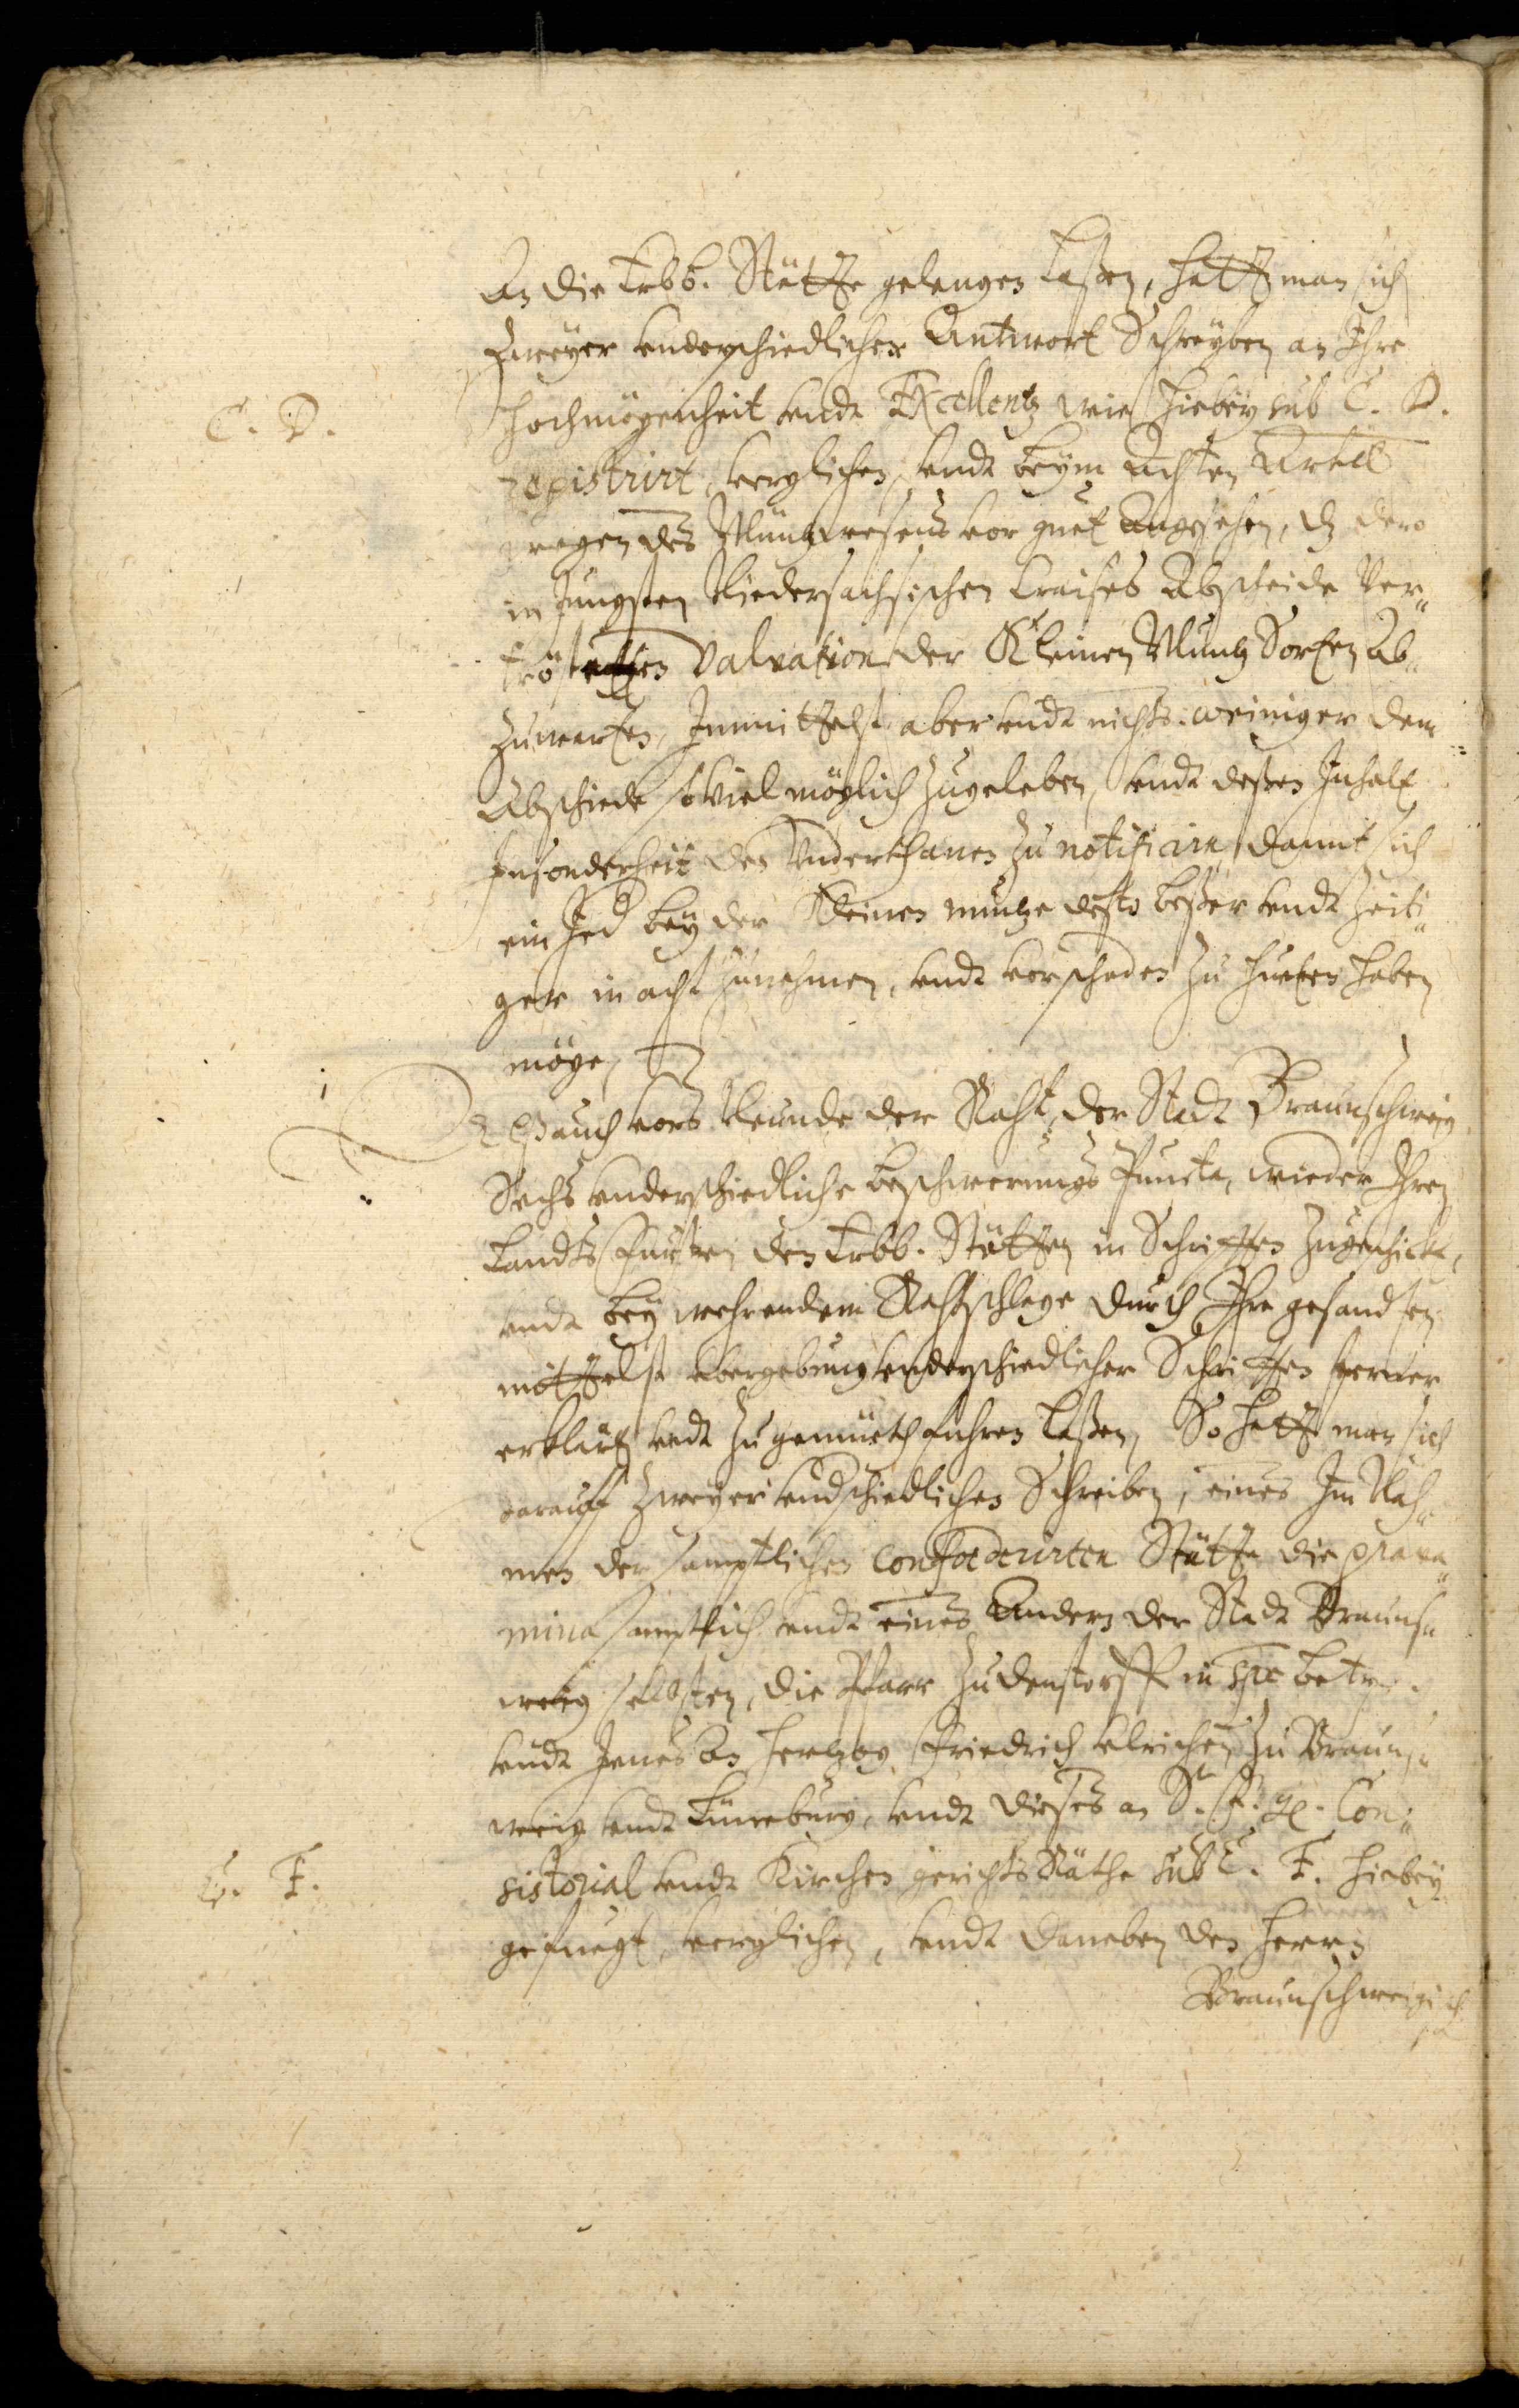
C.D.
E.F.
An die Erbb. Stätte gelangen laßen, hatt man sich
zweijer vnterschiedlicher antwort Schreijben an ihre
hochmögenheit vndt Excellentz wie hiebeij sub C. D.
registrirt, verglichen, vndt beijm achten artll
wegen des Müntzwesens vor guet angesehen, den der
in Iungsten Niedersachsischen Craises Abscheide Ver¬
tröstetten Valvation der Kleinen Muntz Sorten ab¬
zuwerten, Immittelst, aber vndt nichts weiniger dem
abschiede so viel möglich zugeleben, vndt deßen Inhalt
Insonderheit den Vnderthanen zu notificirn damit sich
ein Jeder beij der Kleinen muntze desto beßer vndt Zeiti¬
ger in acht zu nehmen, vndt vor schaden zu hueten haben
möge,
Alß auch vors Neunde der Raht der Stadt Braunschweig
Sechs vnderschiedliche beschwerungs Puncta, wieder Ihren
Landts Fursten den Erbb. Stätten in Schritten zugeschickt,
vndt beij wehrendem Rathschlage durch Ihre gesandten
mittelß vbergebung vnderschiedlicher Schrifften ferner
erklären vndt zu gemüeth fuhren laßen, So hatt man sich
darauff zweijer vnderschiedlichen Schreiben, eines Im Nah¬
men der samptlichen confoederirten Stätte die grava¬
mina samptlich vndt eines andern der Stadt Brauns¬
weig selbsten, die Pfarr zu Denstorff in spc betr.,
vndt Jenes an hertzog friedrich vlrichen zu Brauns¬
weig vndt Lüneburg, vndt dieses an S.F.H. Con¬
sistorial vndt Kirchen gerichts Räthe sub E.F. hiebeij
gefugt, verglichen, vndt daneben den herrn
Braunschweigisch
